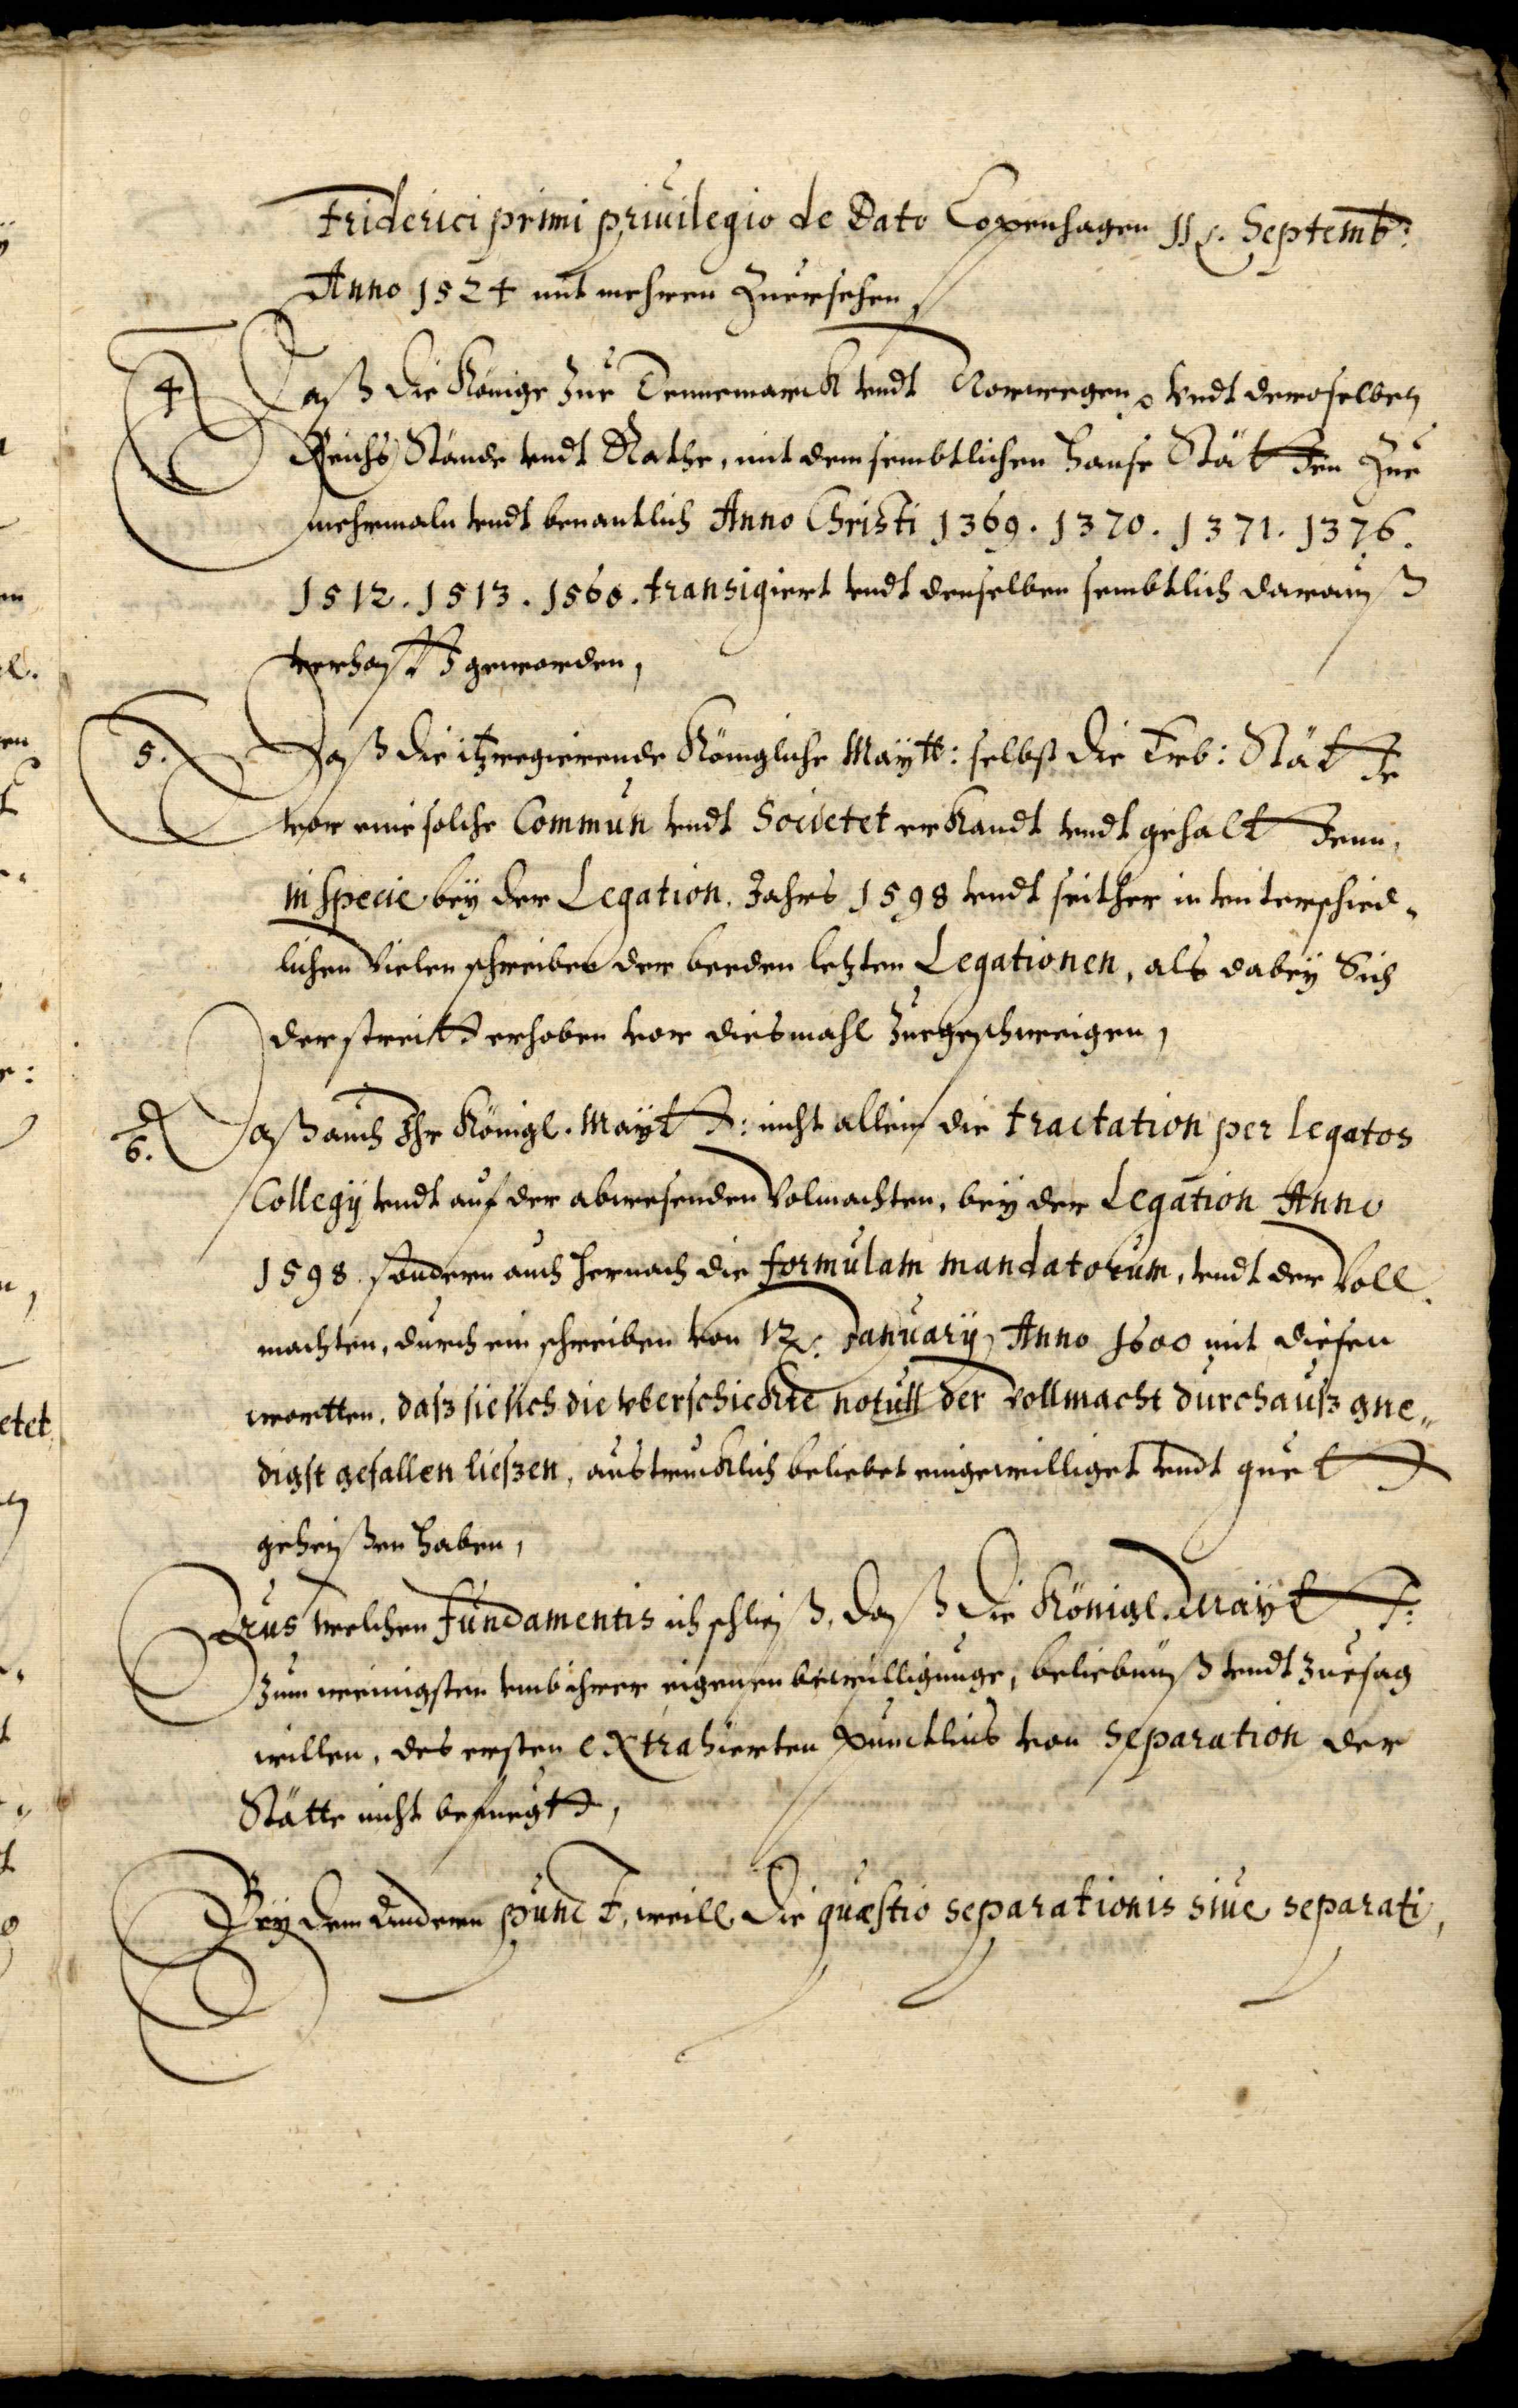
Friderici primi priuilegio de Dato Copenhagen 11t. Septembris
Anno 1524 mit mehren zuersehen,
Daß die Könige zue Dennemarck vndt Norwegen p vndt deroselben
Reichs Stände vndt Rathe, mit dem sembtlichen Hanse Stätten zue
mehrmaln vndt benantlich Anno Christi 1369. 1370. 1371. 1376.
1512. 1513. 1560. transigiert vndt denselben sembtlich darauß
verhafft geworden,
Daß die itzregierende Königliche Maijtt: selbst die Erb: Stätte
vor eine solche Commun vndt Societet erkandt vndt gehalttenn,
in Specie beij der Legation, Jahrs 1598 vndt seither in vnterschied¬
lichen Vielen schreiben der beeden letzten Legationen, als dabeij Sich
der streitt erhoben vor diesmahl zuegeschweigen,
Daß auch Ihr Königl. Maijtt: nicht allein die tractation per legatos
Collegij vndt auf der abwesenden Volmachten, beij der Legation Anno
1598. sondern auch hernach die formulam mandatorum, vndt der Voll¬
machten, durch ein schreiben von 12. Januarij, Anno 1600 mit diesen
wortten, dasz sie sich die vberschickte notull der Vollmacht durchausz gne¬
digst gefallen lieszen, austrucklich beliebet eingewilliget vndt guett
geheißen haben,
Aus welchen fundamentis ich schließ, daß die Königl Maijtt:
zum weinigsten vmb ihrer eigenen bewilligunge, beliebnüß vndt zuesag
willen, des ersten extrahierten puncthus von separation der
Stätte nicht befuegtt,
Beij dem andern punct, weill die quaestio separationis siue separati,
4
5.
6.
